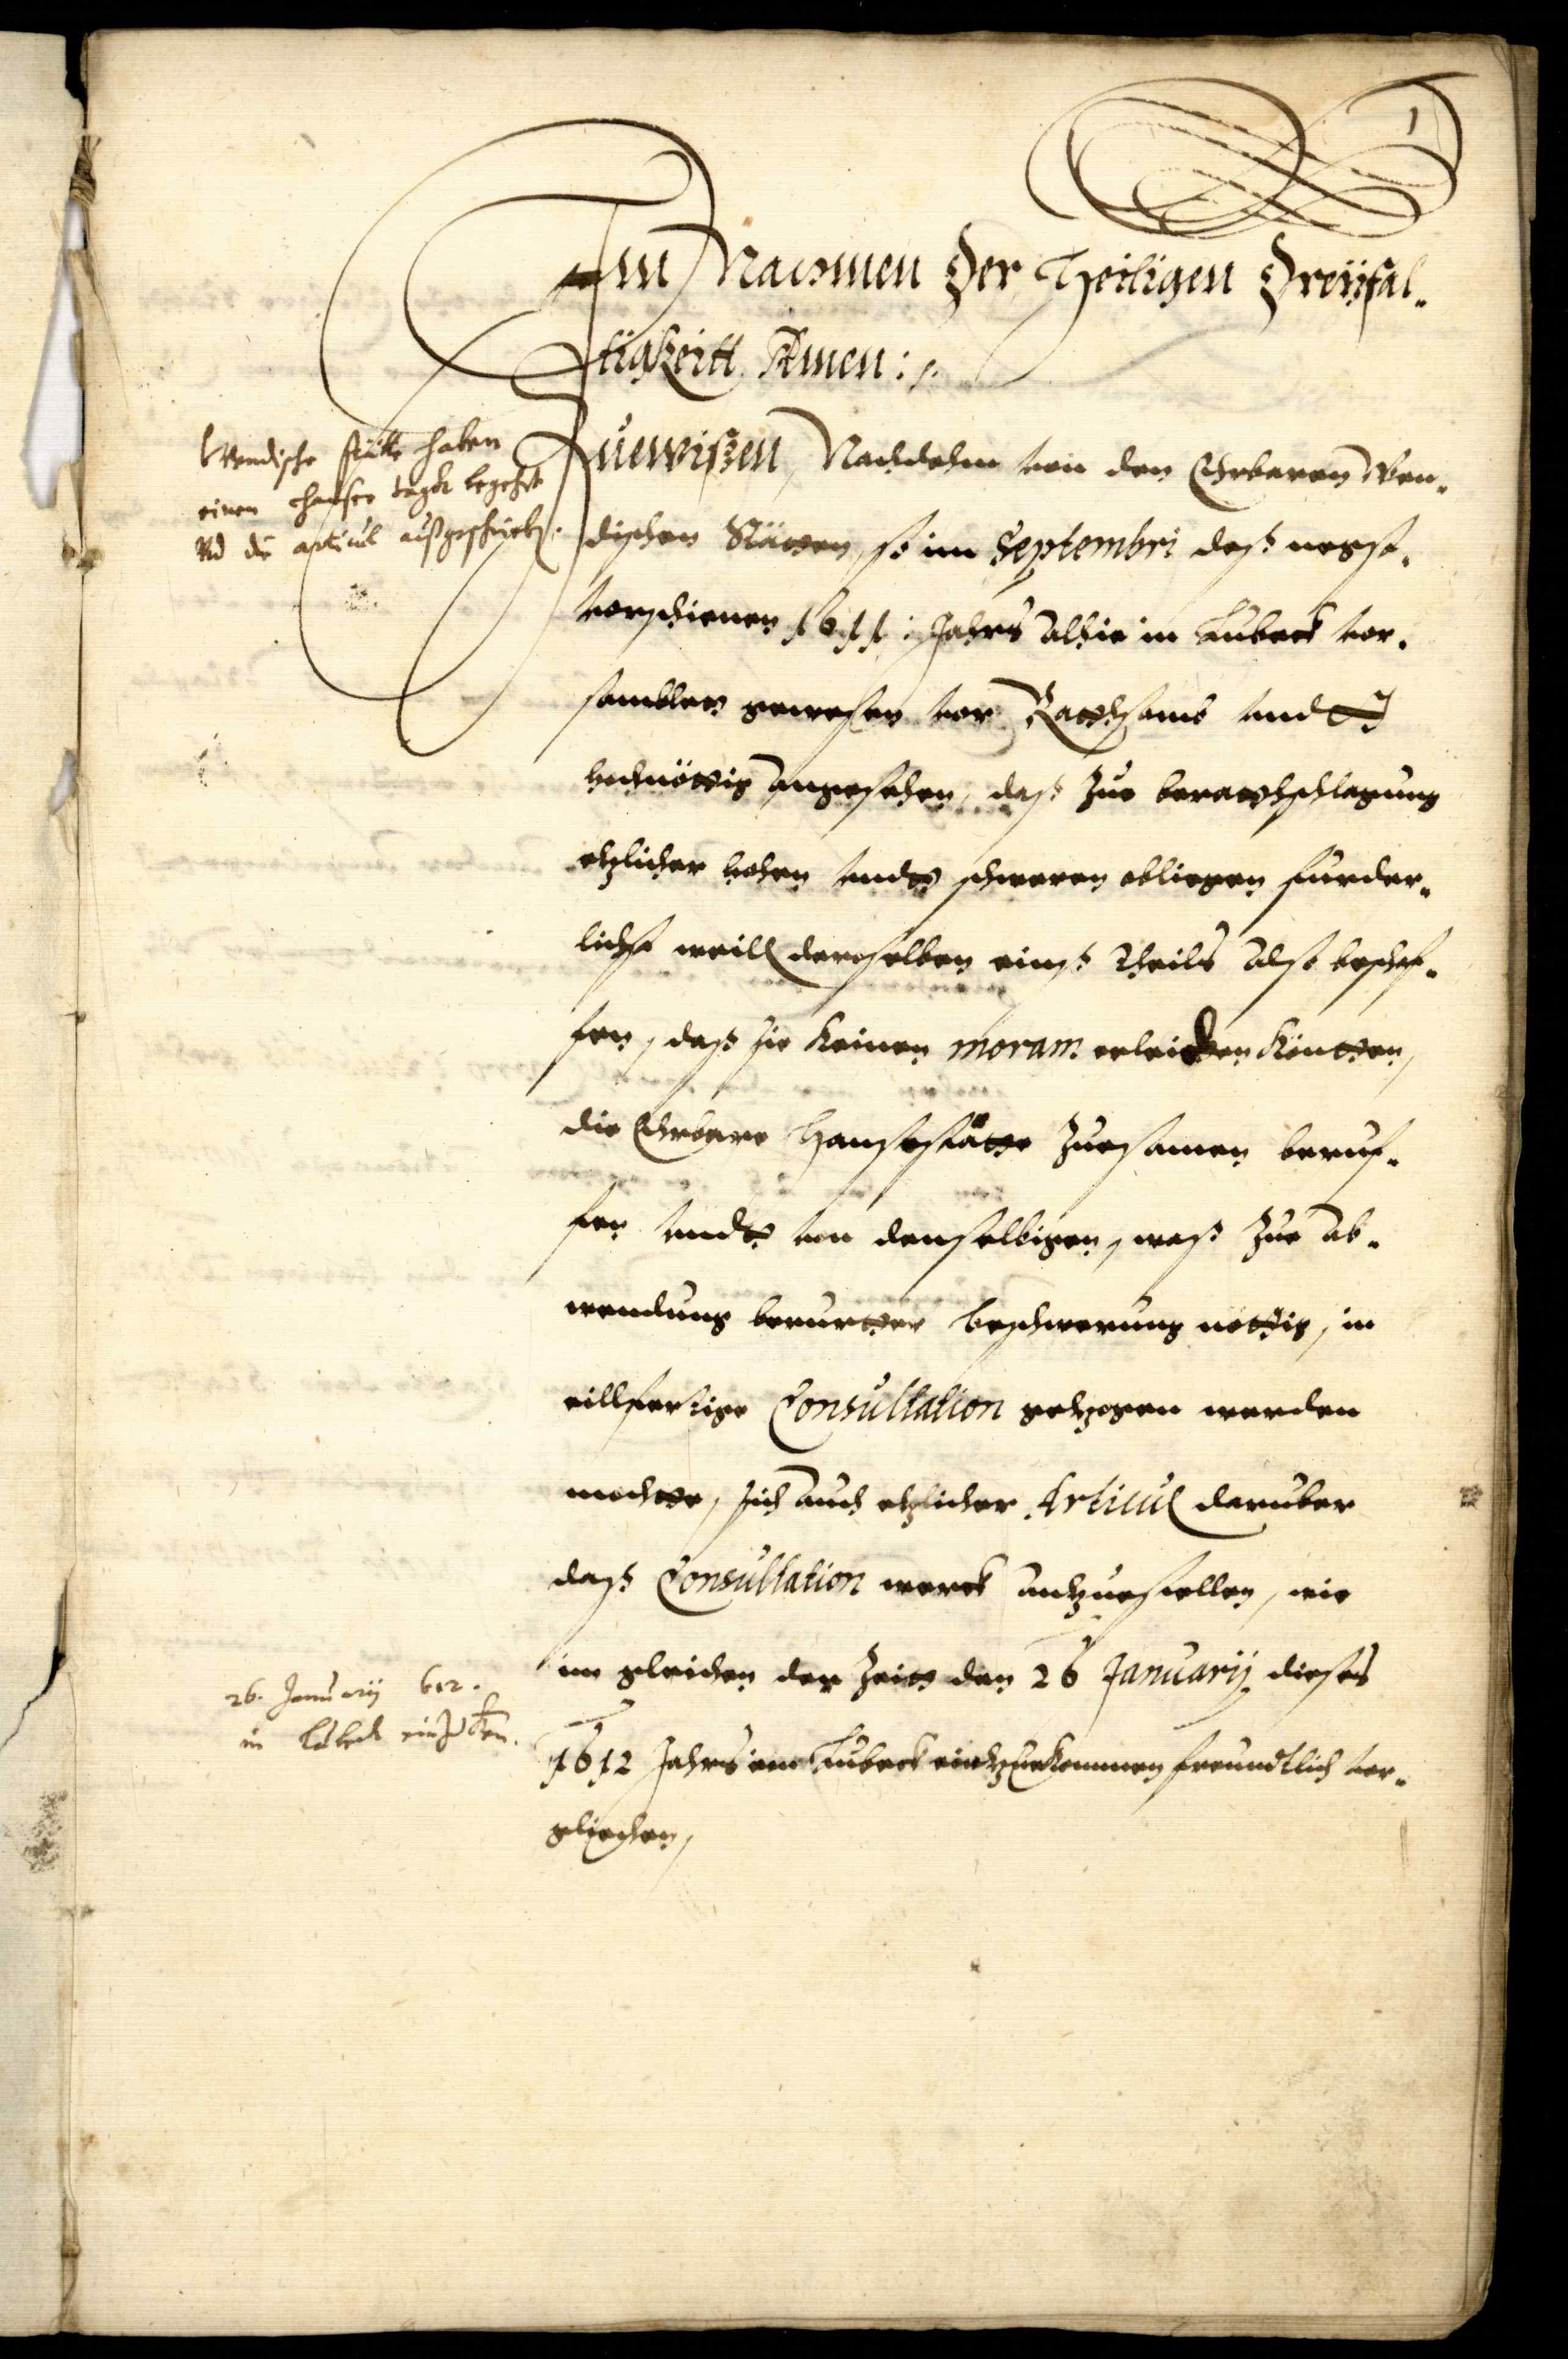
1
Wendische stätte haben
einen hansee tagk begehrt
vnd die articul ausgeschrieben
26. Januarij 612.
in Lubeck einzukomen.
Im Namen der heiligen Dreijfal¬
tigkeitt Amen: etcetera
Zuewißen, Nachdehm von den Ehrbaren Wen¬
dischen Stätten, so im Septembri deß negst¬
vorschienen 1611: Jahrs Alhie in Lubeck vor¬
samblet gewesen vor Ratthsamb vndtt
hochnöttig Angesehen, daß zue beratthschlagung
etzlicher hohen vndtt schweren obliegen furder¬
lichst weill deroselben einß Theils Also beschaf¬
fen, daß sie keinen moram erleiden köntten,
die Ehrbare Hansestätte zuesamen beruf¬
fen vndtt von denselbigen, waß zue Ab¬
wendung berurtter beschwerung nottig, in
eillfertiger Consultation getzogen werden
mochtte, sich auch etzlicher Articul daruber
daß Consultation werck Antzustellen, wie
im gleichen der Zeitt den 26 Januarij dieses
1612 Jahrs inn Lubeck eintzuekommen freundtlich vor¬
gliechen,
